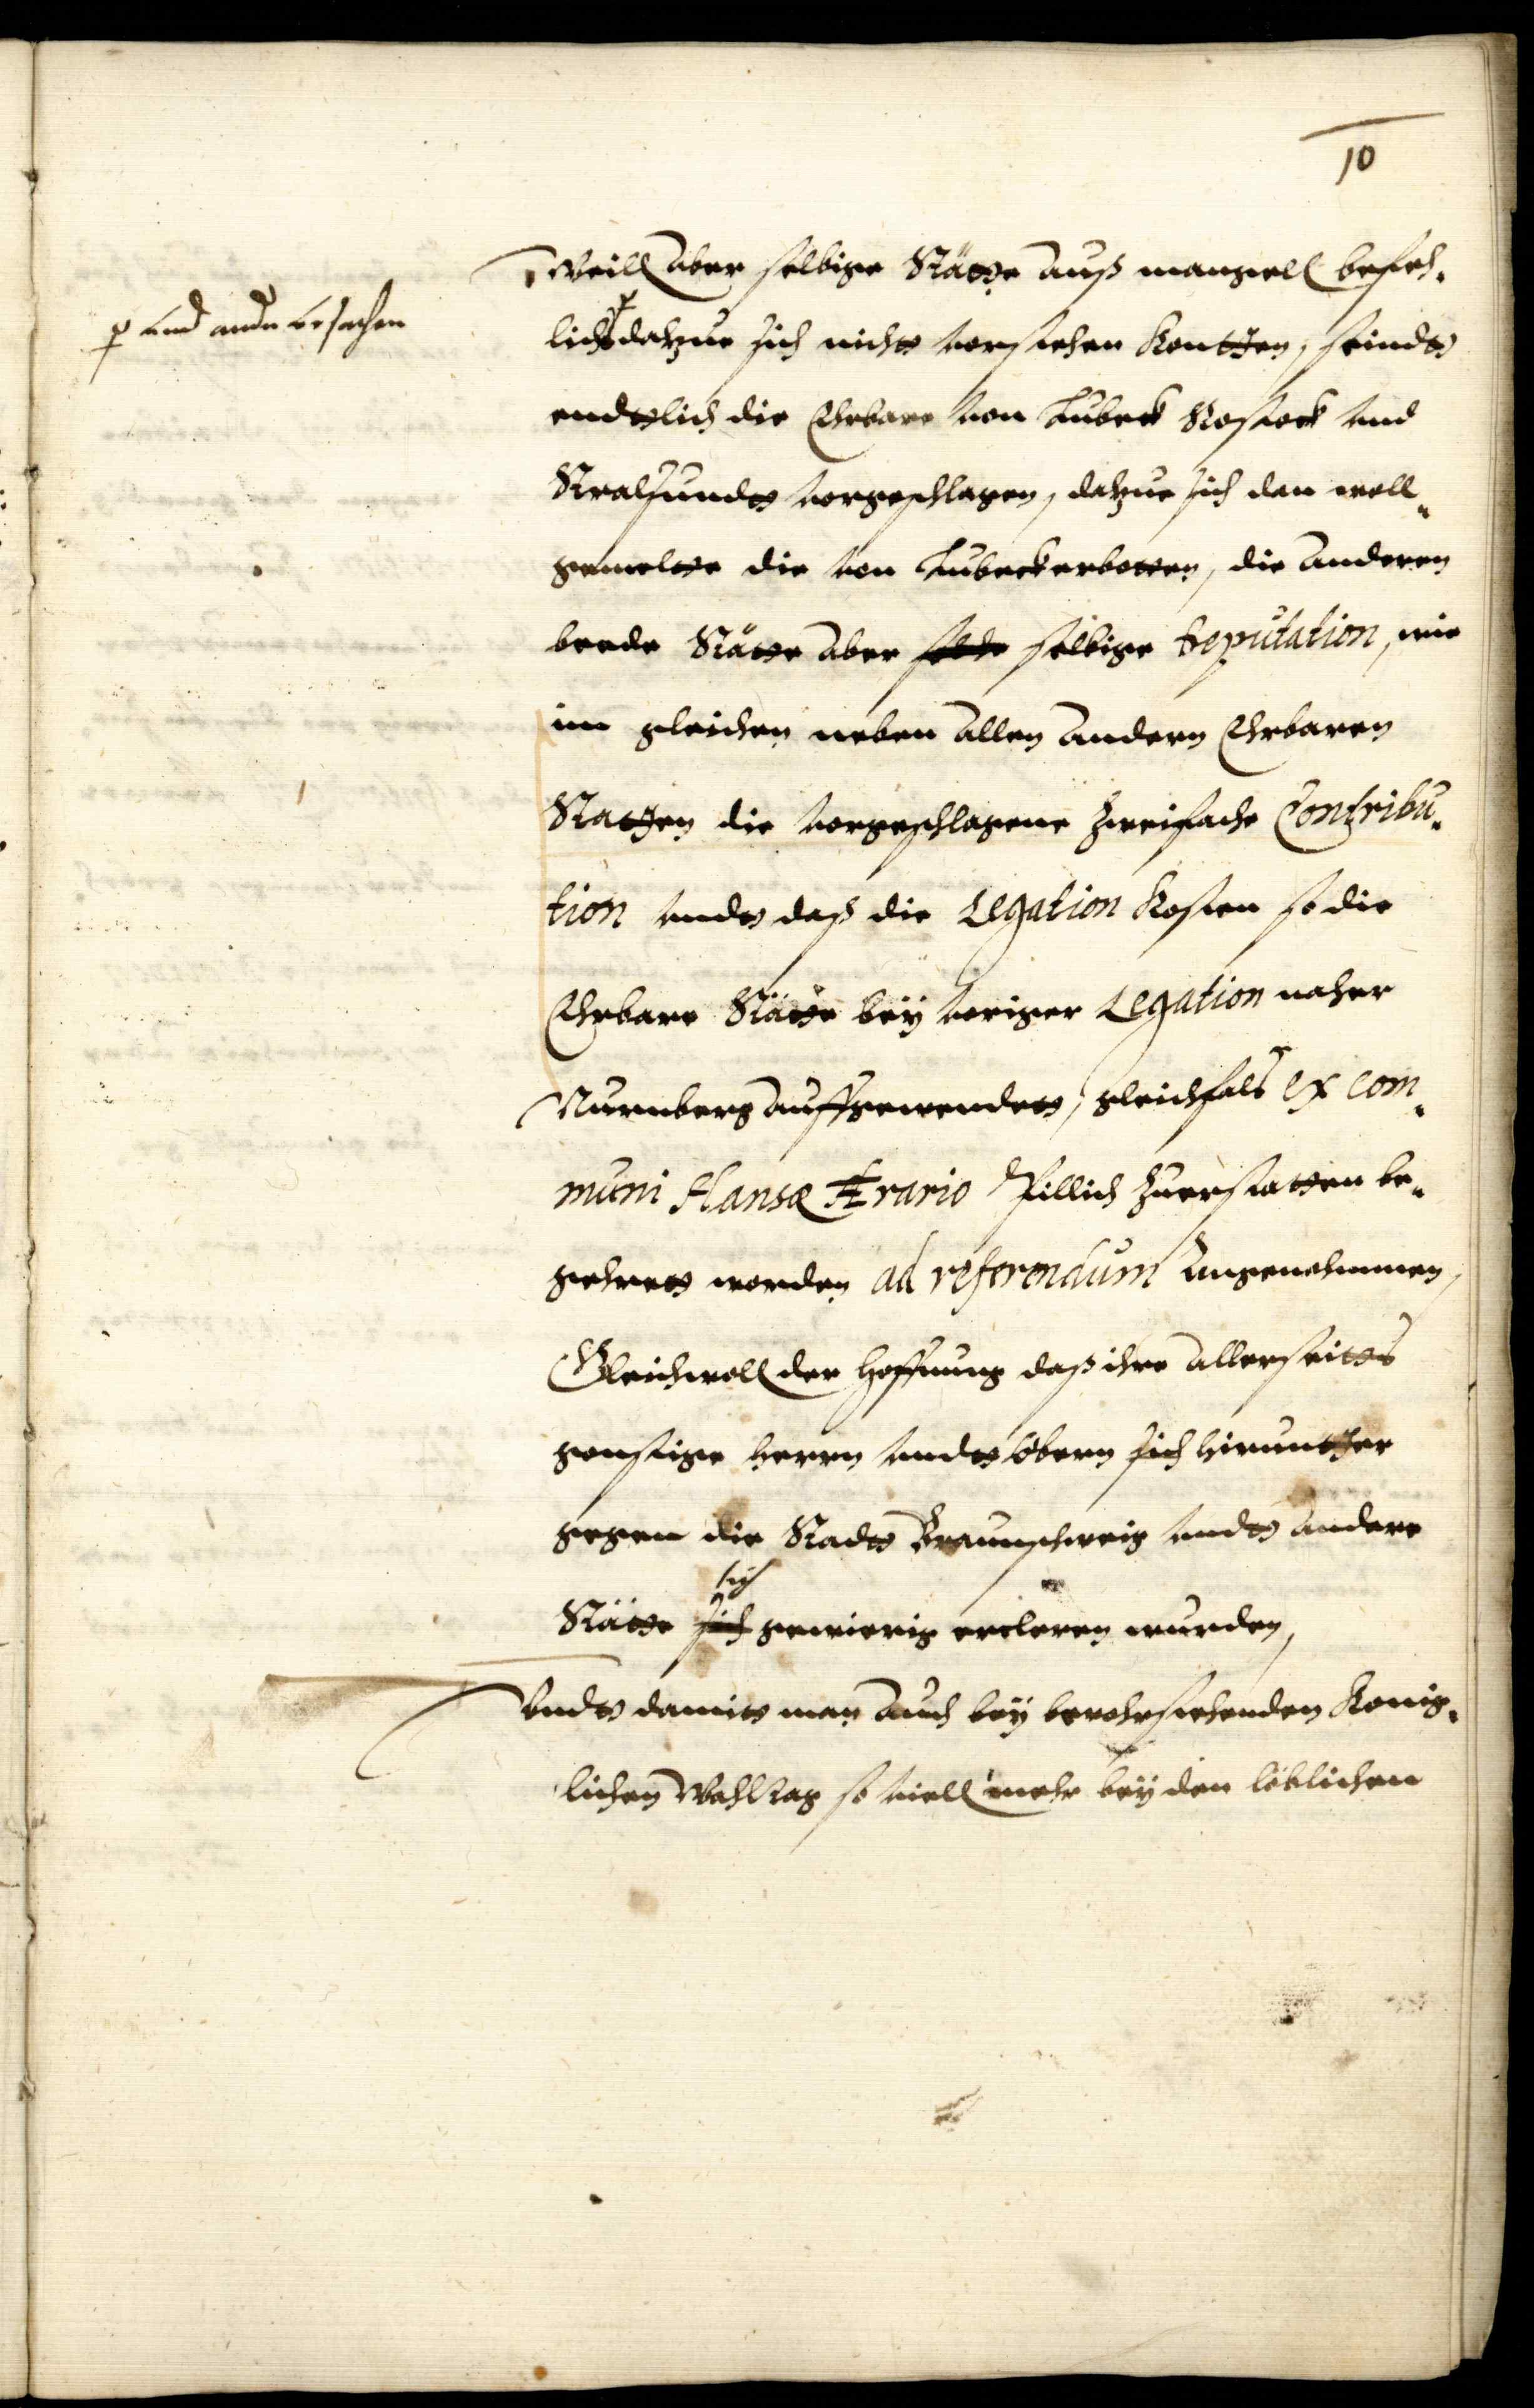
10
Weill aber selbige Stätte Auß mangell befeh¬
lichs 7 datzue sich nichtt vorstehen kontten, seindtt
endttlich die Ehrbaren von Lubeck Rostock vnd
Stralsundtt vorgeschlagen, datzue sich dan woll¬
gemeltte die von Lubeck erbotten, die anderen
beede Stätte aber solche selbige Deputation, wie
im gleichen neben allen andern Ehrbaren
Statten die vorgeschlagene zweifache Contribu¬
tion vndtt daß die Legation Kosten so die
Ehrbare Stätte beij voriger Legation naher
Nurnberg auffgewendett, gleichfals ex com¬
muni Hansae AErario Pillich zuerstatten be¬
gehrett worden ad referendum angenohmmen,
Gleichwoll der Hoffnung daß ihre allerseitts
gonstige herrn vndtt Obern sich hiruntter
gegen die Stadtt Braunschweig vndtt Andere
Stätte sich sich gewierig ercleren wurden,
7 vnd andern vrsachen
Vndtt damitt man Auch beij bevohrstehenden Konig¬
lichen Wahltag so viell mehr beij den löblichen
